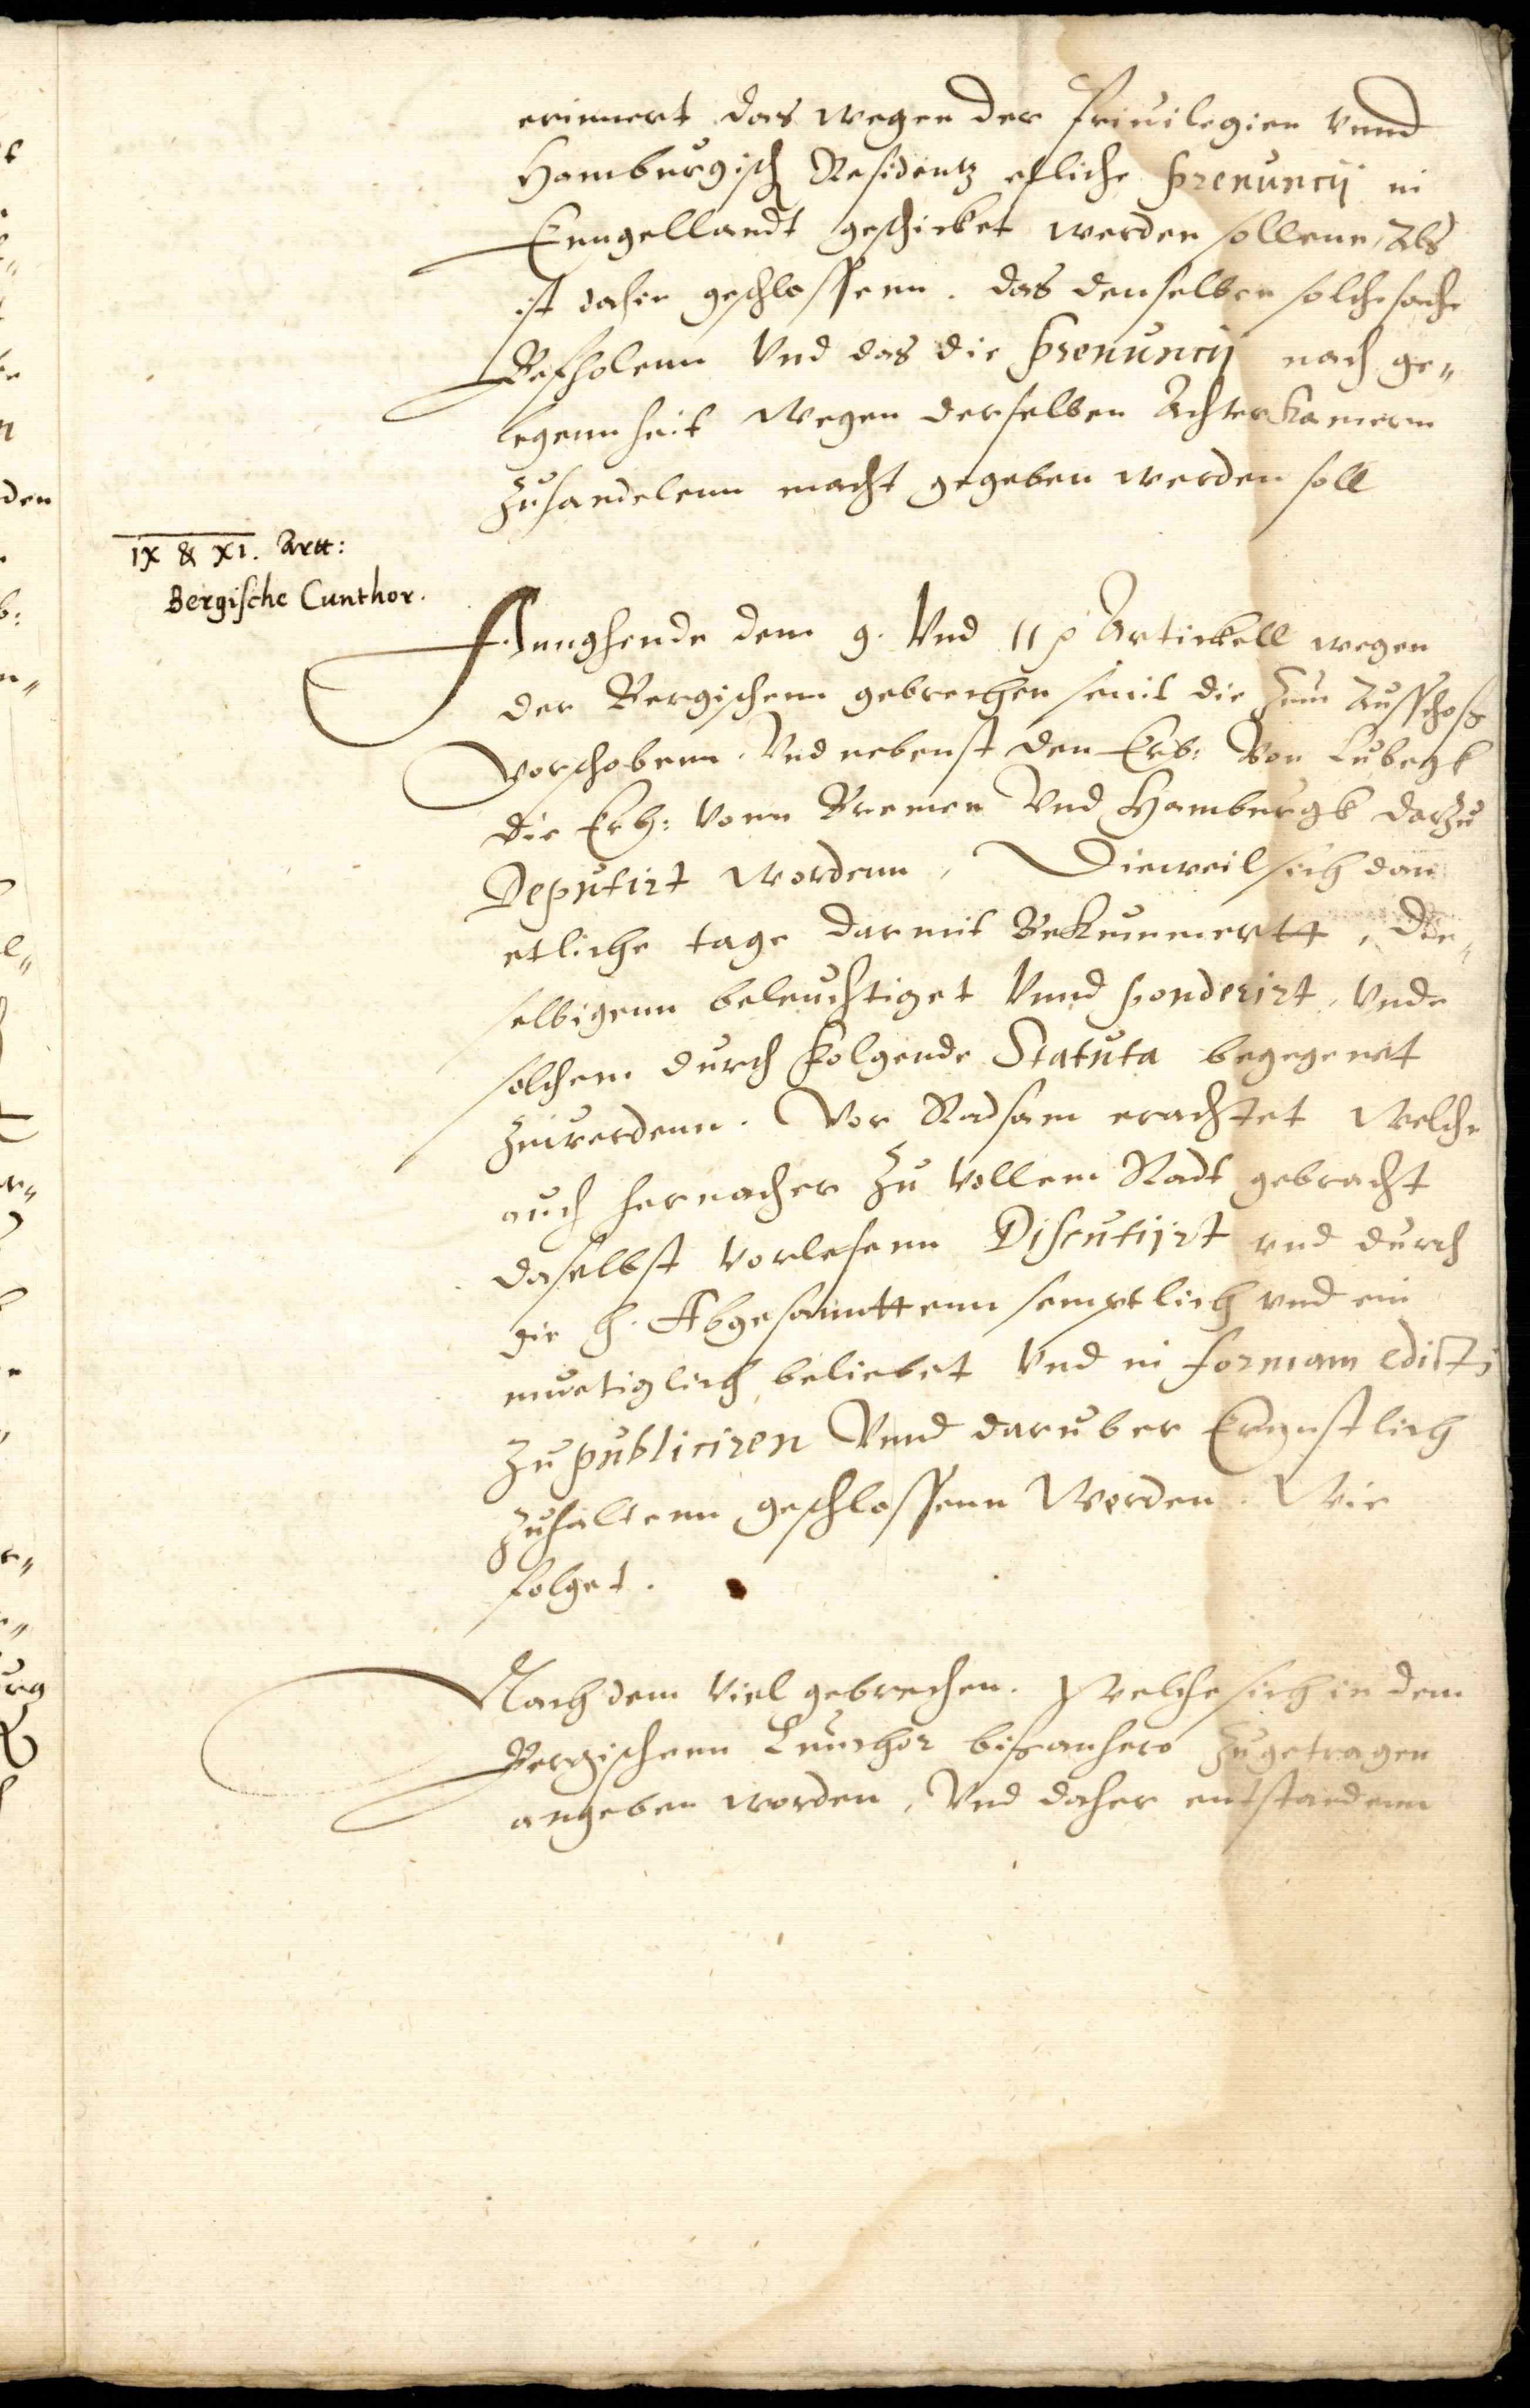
erinnert das wegen der Priuilegien vnnd
Hamburgischen Residentz etliche Prenuncij in
Enngellandt geschicket werden sollenn, Als
ist daher geschlossen, das denselben solche sache
Befholenn Vnd das die Prenuncij nach ge¬
legenheit wegen derselben Achterkamern
zuhandelenn macht gegeben werden soll
IX & XI.Artt:
Bergische Cunthor.
Annghende dem 9. Vnd 11 p Artickell wegen
der Bergischenn gebrechen seint die zum Ausschoß
Vorschobenn, Vnd nebenst den Erb: Von Lubegk
die Erb: vonn Bremen Vnd Hamburgk darzu
Deputirt wordenn, Dieweil sich dan
etliche tage darmit Bekummertt, die¬
selbigenn beleuchtiget Vnnd ponderirt, Vnde
solchem durch Folgende Statuta begegenet
zuwerdenn. Vor Radsam erachtet Welche
auch hernacher zu vollem Radt gebracht
daselbst vorlesenn Disentiirt vnd durch
die H. Abgesanttenn semptlich vnd ein
muetiglich beliebet vnd in formam edicti
zu publiciren Vnnd daruber Ernnstlich
zuhaltenn geschlossenn Werden, Wie
folget.
Nachdem viel gebrechen, Welche sich dem
Bergischenn Cunthor biß anhero zugetragen
angeben worden, Vnd daher entstandenn
